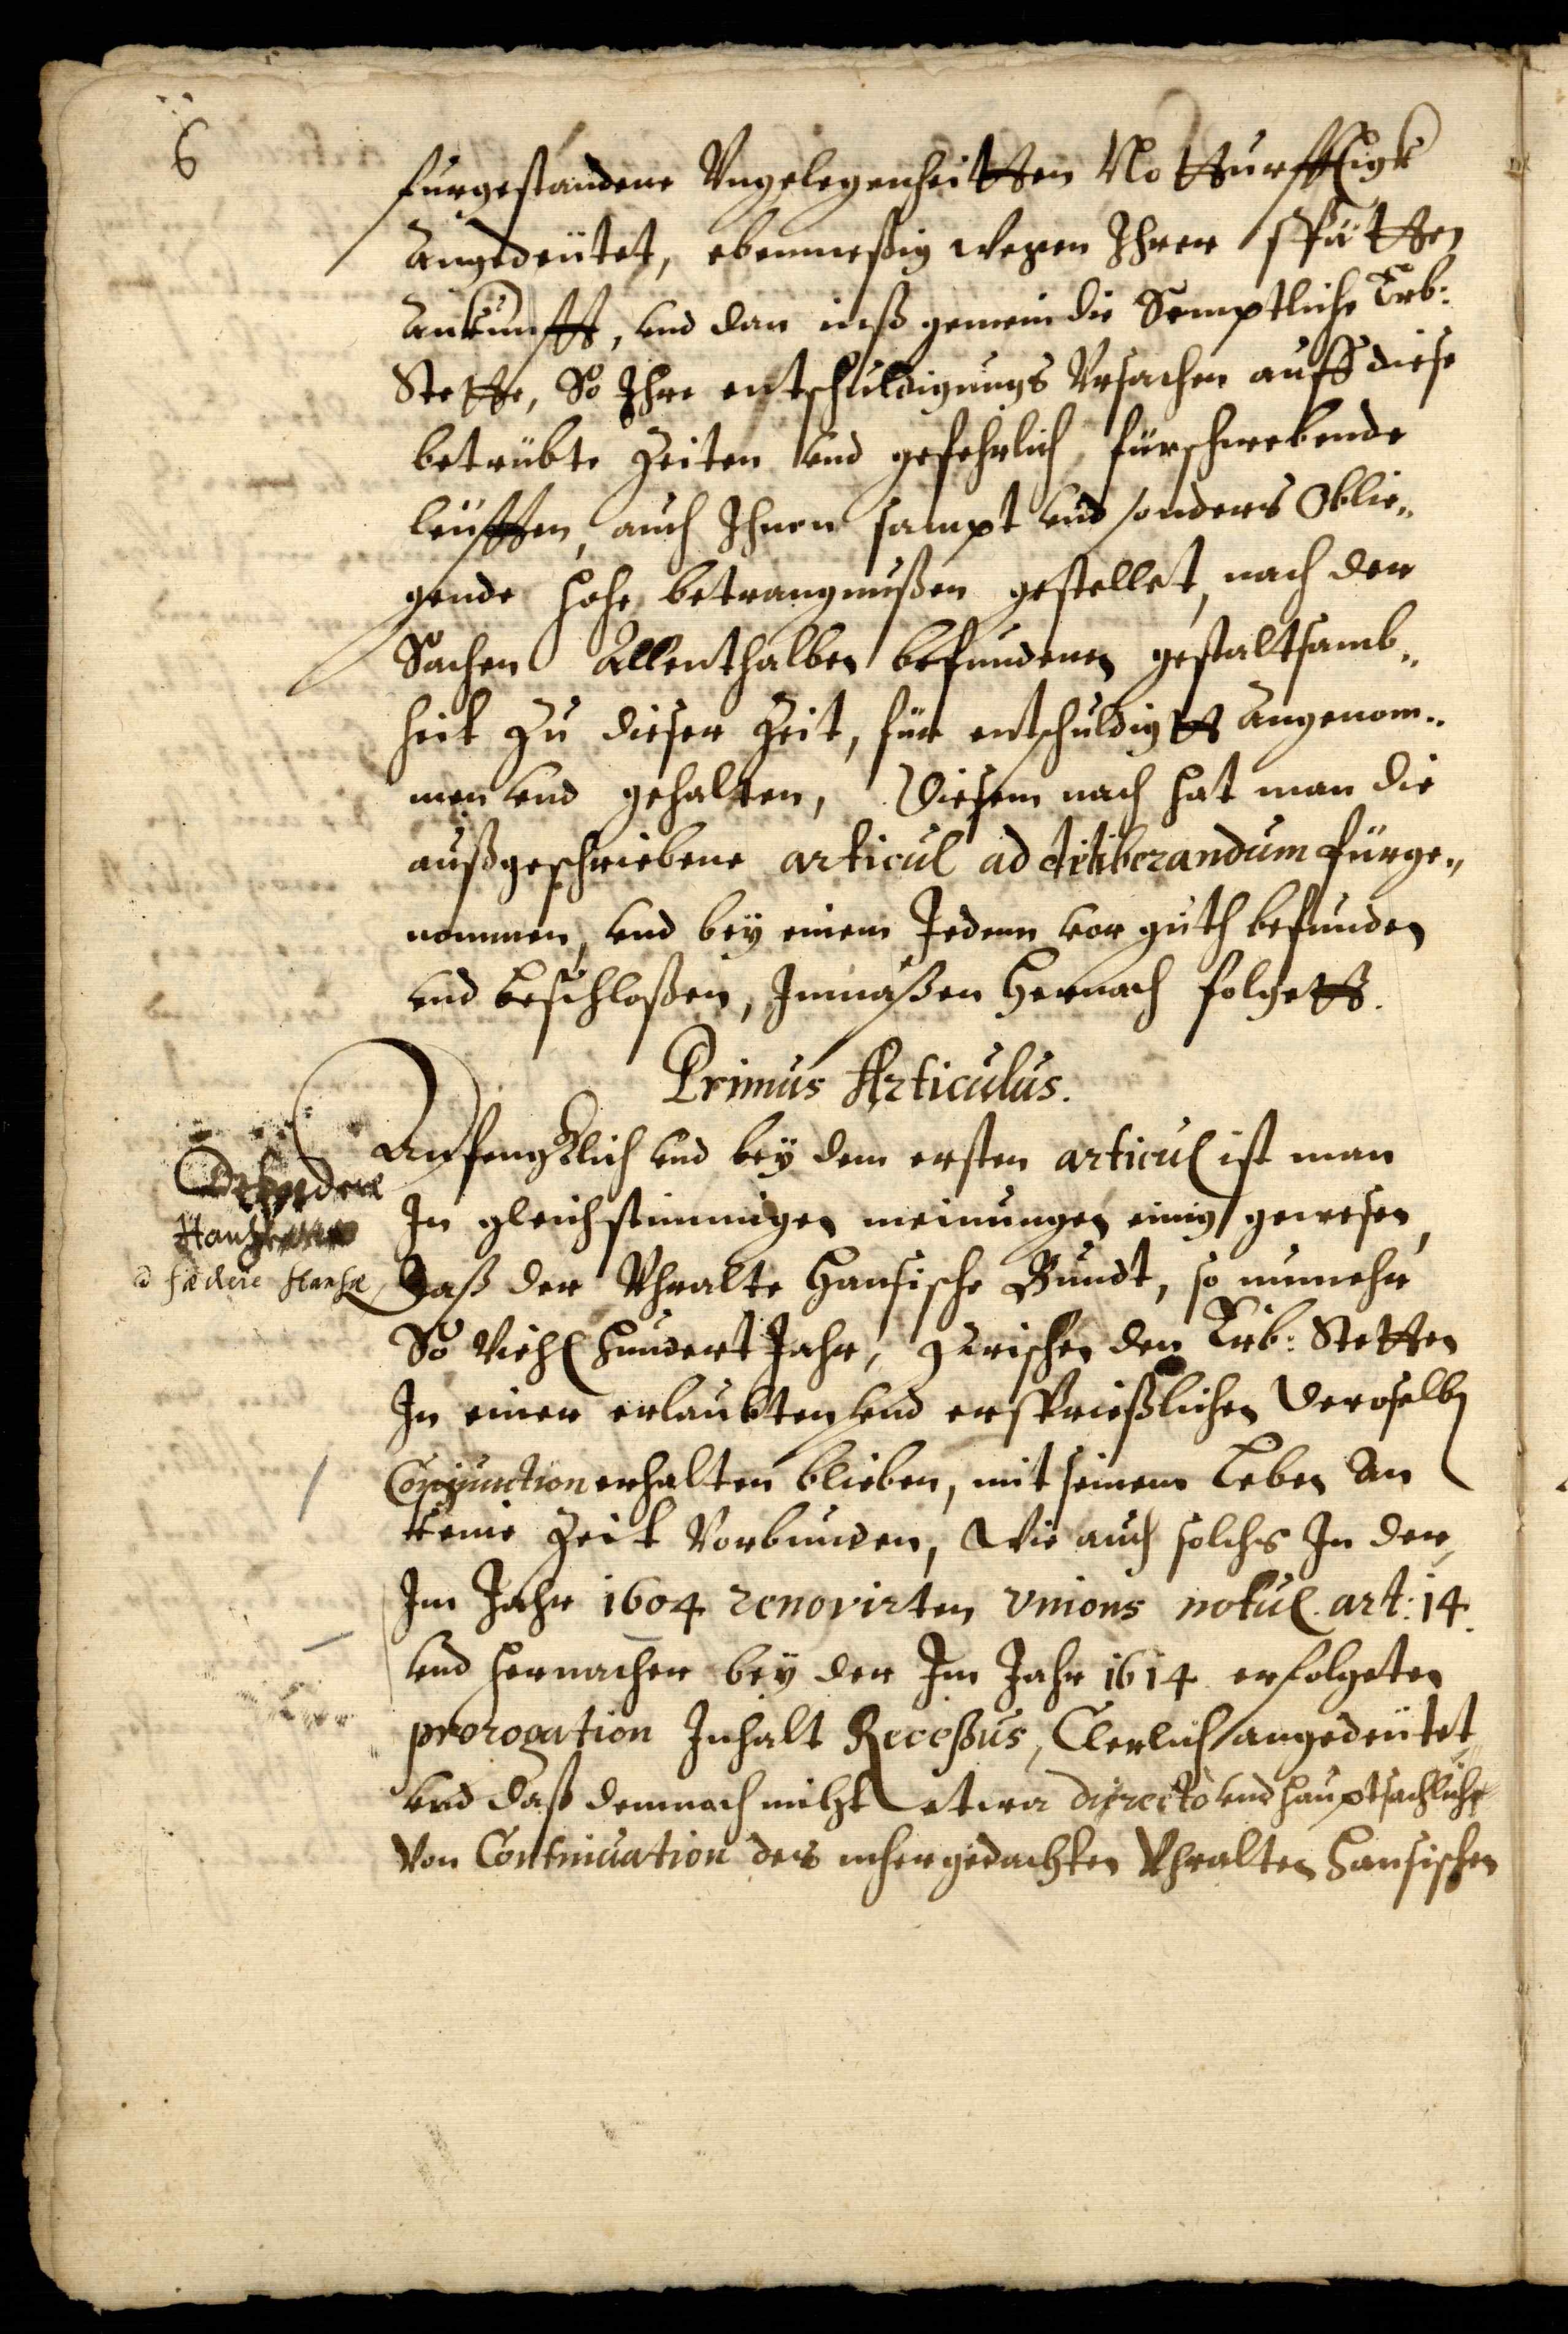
6
Confoedere
Hanseatico
ad foedere Hansae
furgestandene vngelegenheitten Notturfttigk
angedeütet, ebenmeßig wegen ihrer spätten
ankunftt, vnd dan inß gemein die semptliche Erb:
Stette, so ihre entschuldigungs Vrsachen auff diese
betrübte Zeiten vnd gefehrlich fürschwebende
leuftten, auf Ihnen sampt vnd sonders oblie¬
gende hohe betrangnußen gestellet, nach der
sachen allenthalben befundenen gestaltsamb¬
heit zu dieser Zeit, für entschuldigtt angenom¬
men vnd gehalten, diesem nach hat man die
außgeschriebene articul ad deliberandum fürge¬
nommen, vnd beij einem Jedenn vor guth befunden
vnd beschlosßen, Inmaßen hernach folgett.
Primus Articulus
Anfengklich vnd beij dem ersten articul ist man
in gleichstimmigen meinungen einig gewesen,
daß der Vhralte Hansische Bundt, so numehr
So Viehl hundert Jahr, zwischen den Erb: Stetten
in einer erlaubten vnd ersprießlichen deroselben
Conjunction erhalten blieben, mit seinem Leben an
keine Zeit Vorbunden, Wie auch solchs in der
im jahr 1604 renovirten unions notul. art: 14.
vnd hernacher beij der im jahr 1614 erfolgeten
prorogation Inhalt Receßus, Clerlich angedeütet
vnd daß demnach nicht etwa dierecto vnd hauptsachlich
Von Continuation des mhergedachten Vhralten hansischen
